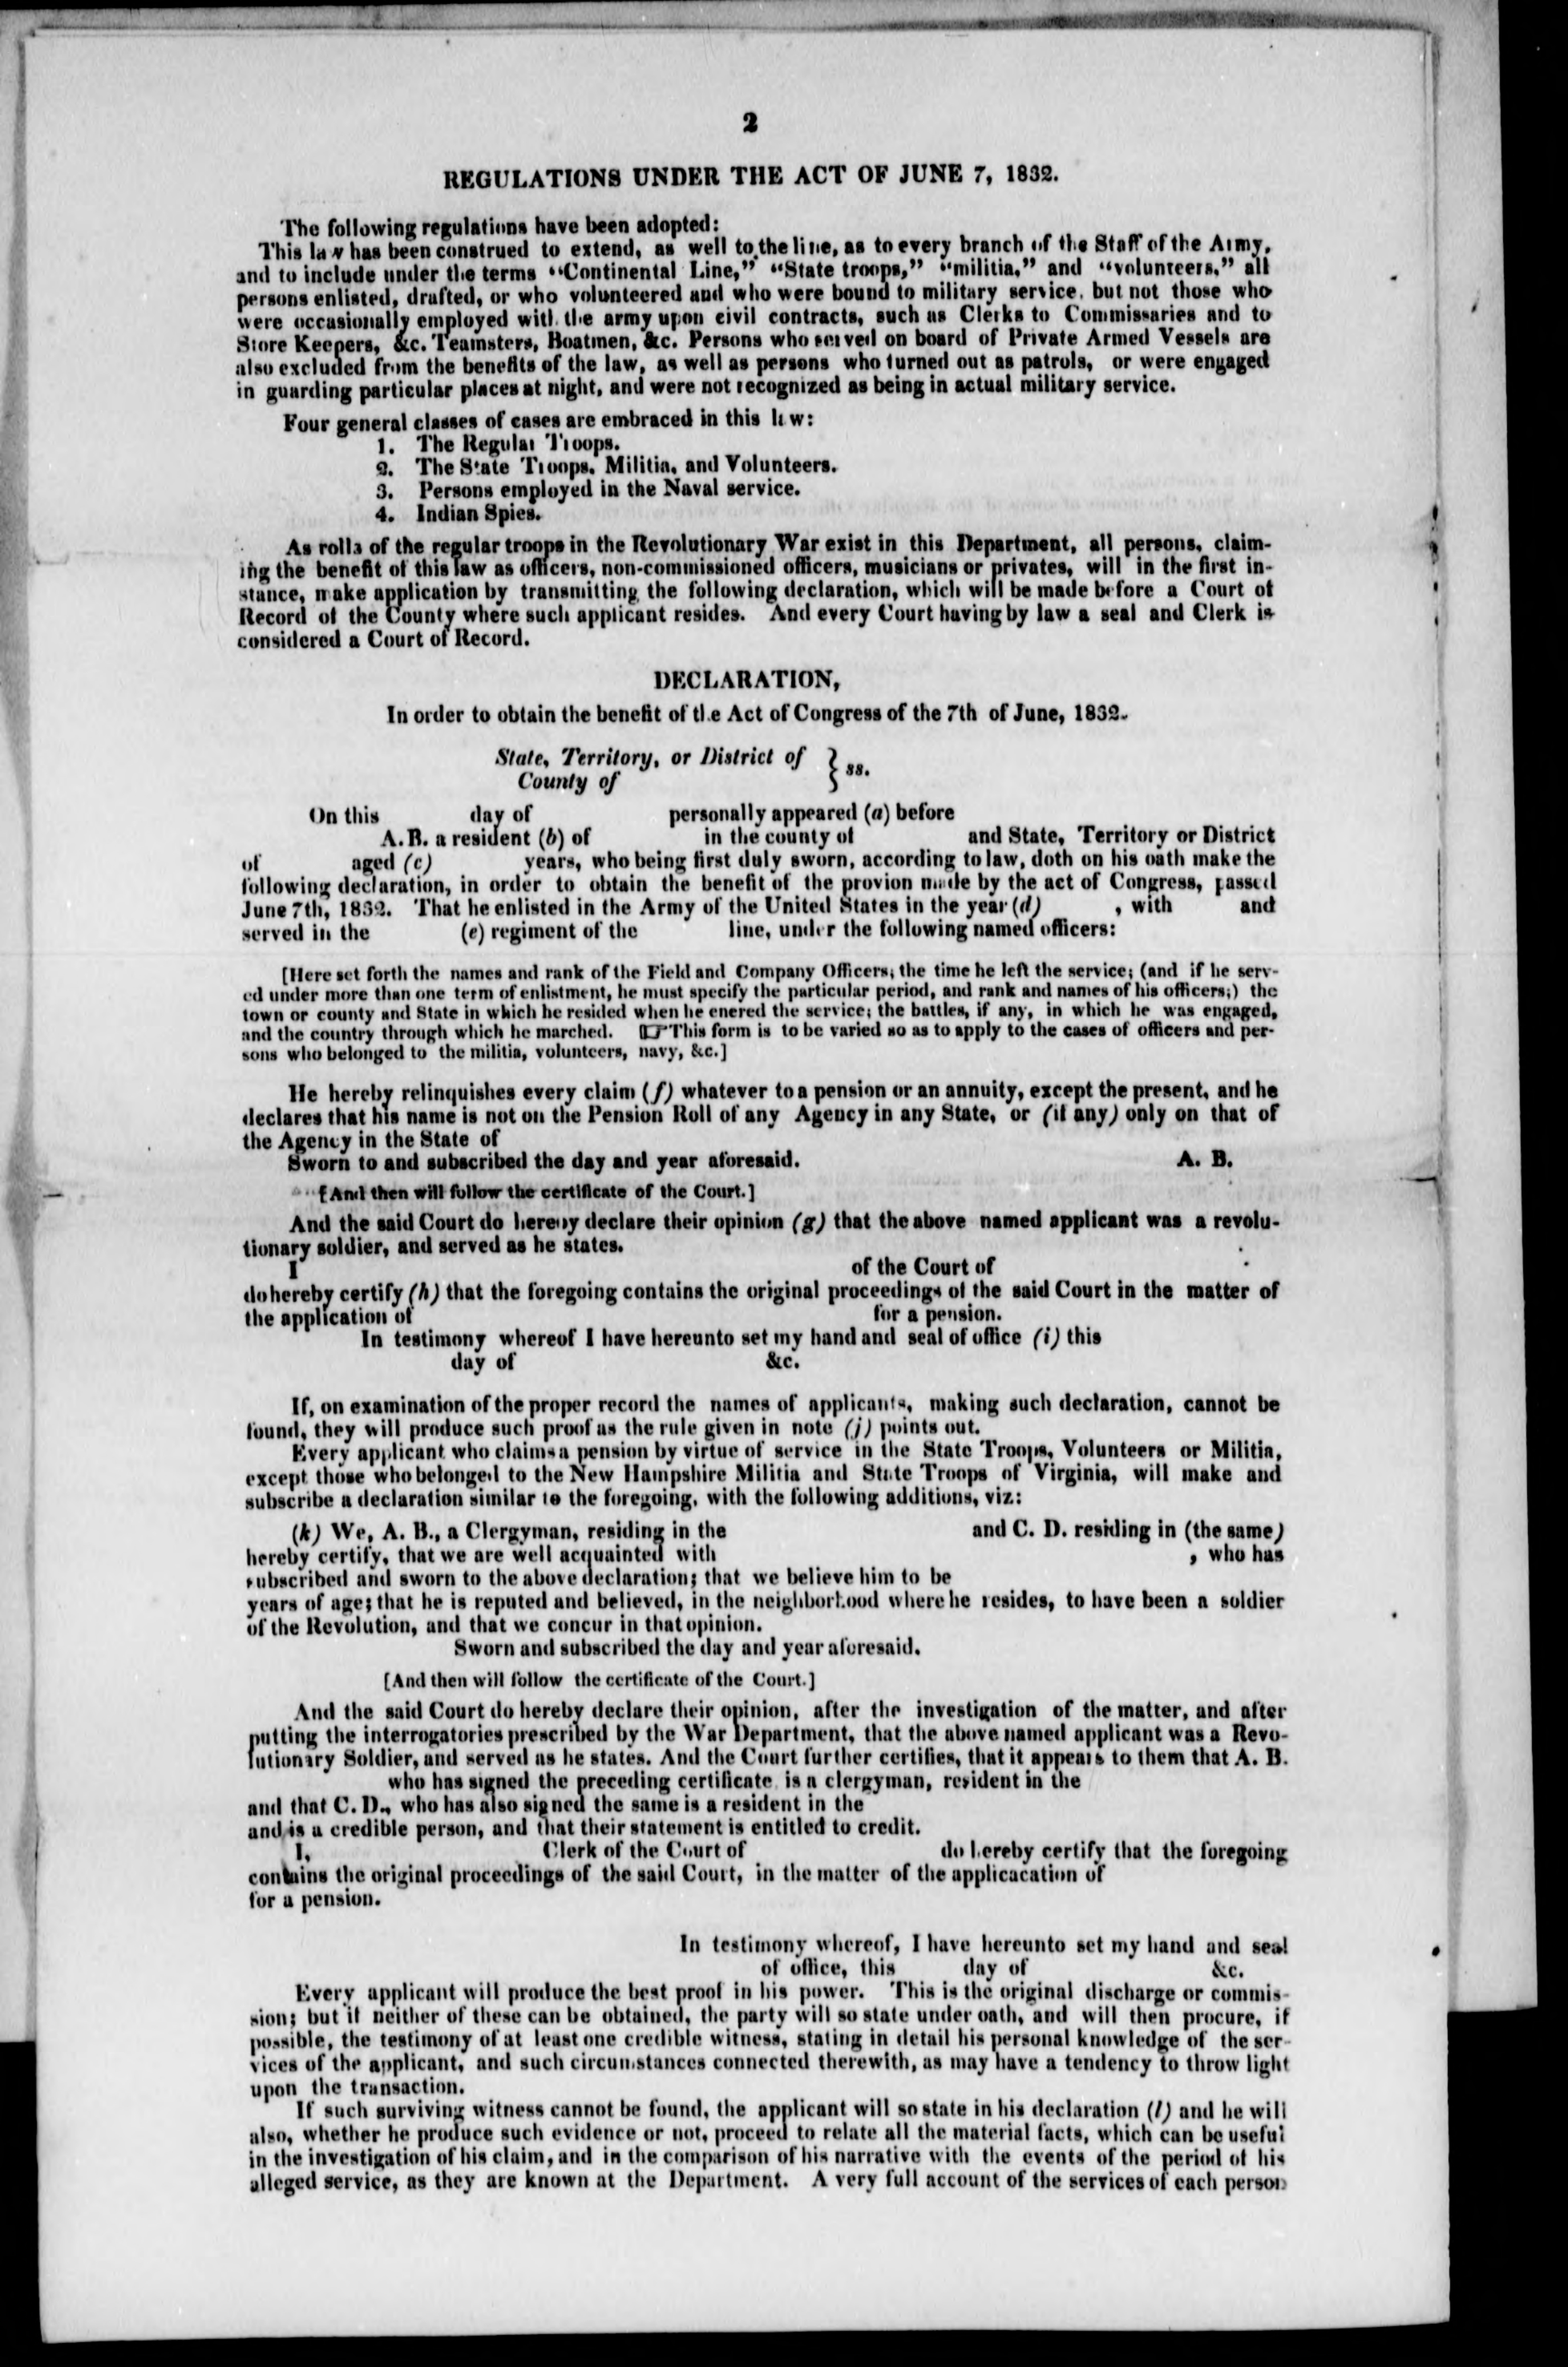2

Entire page is detailed instructions and format to use when submitting application for pension.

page: 16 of 18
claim: survivor's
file: S. 11731, Robert Whippel, Continental Mass R. I.